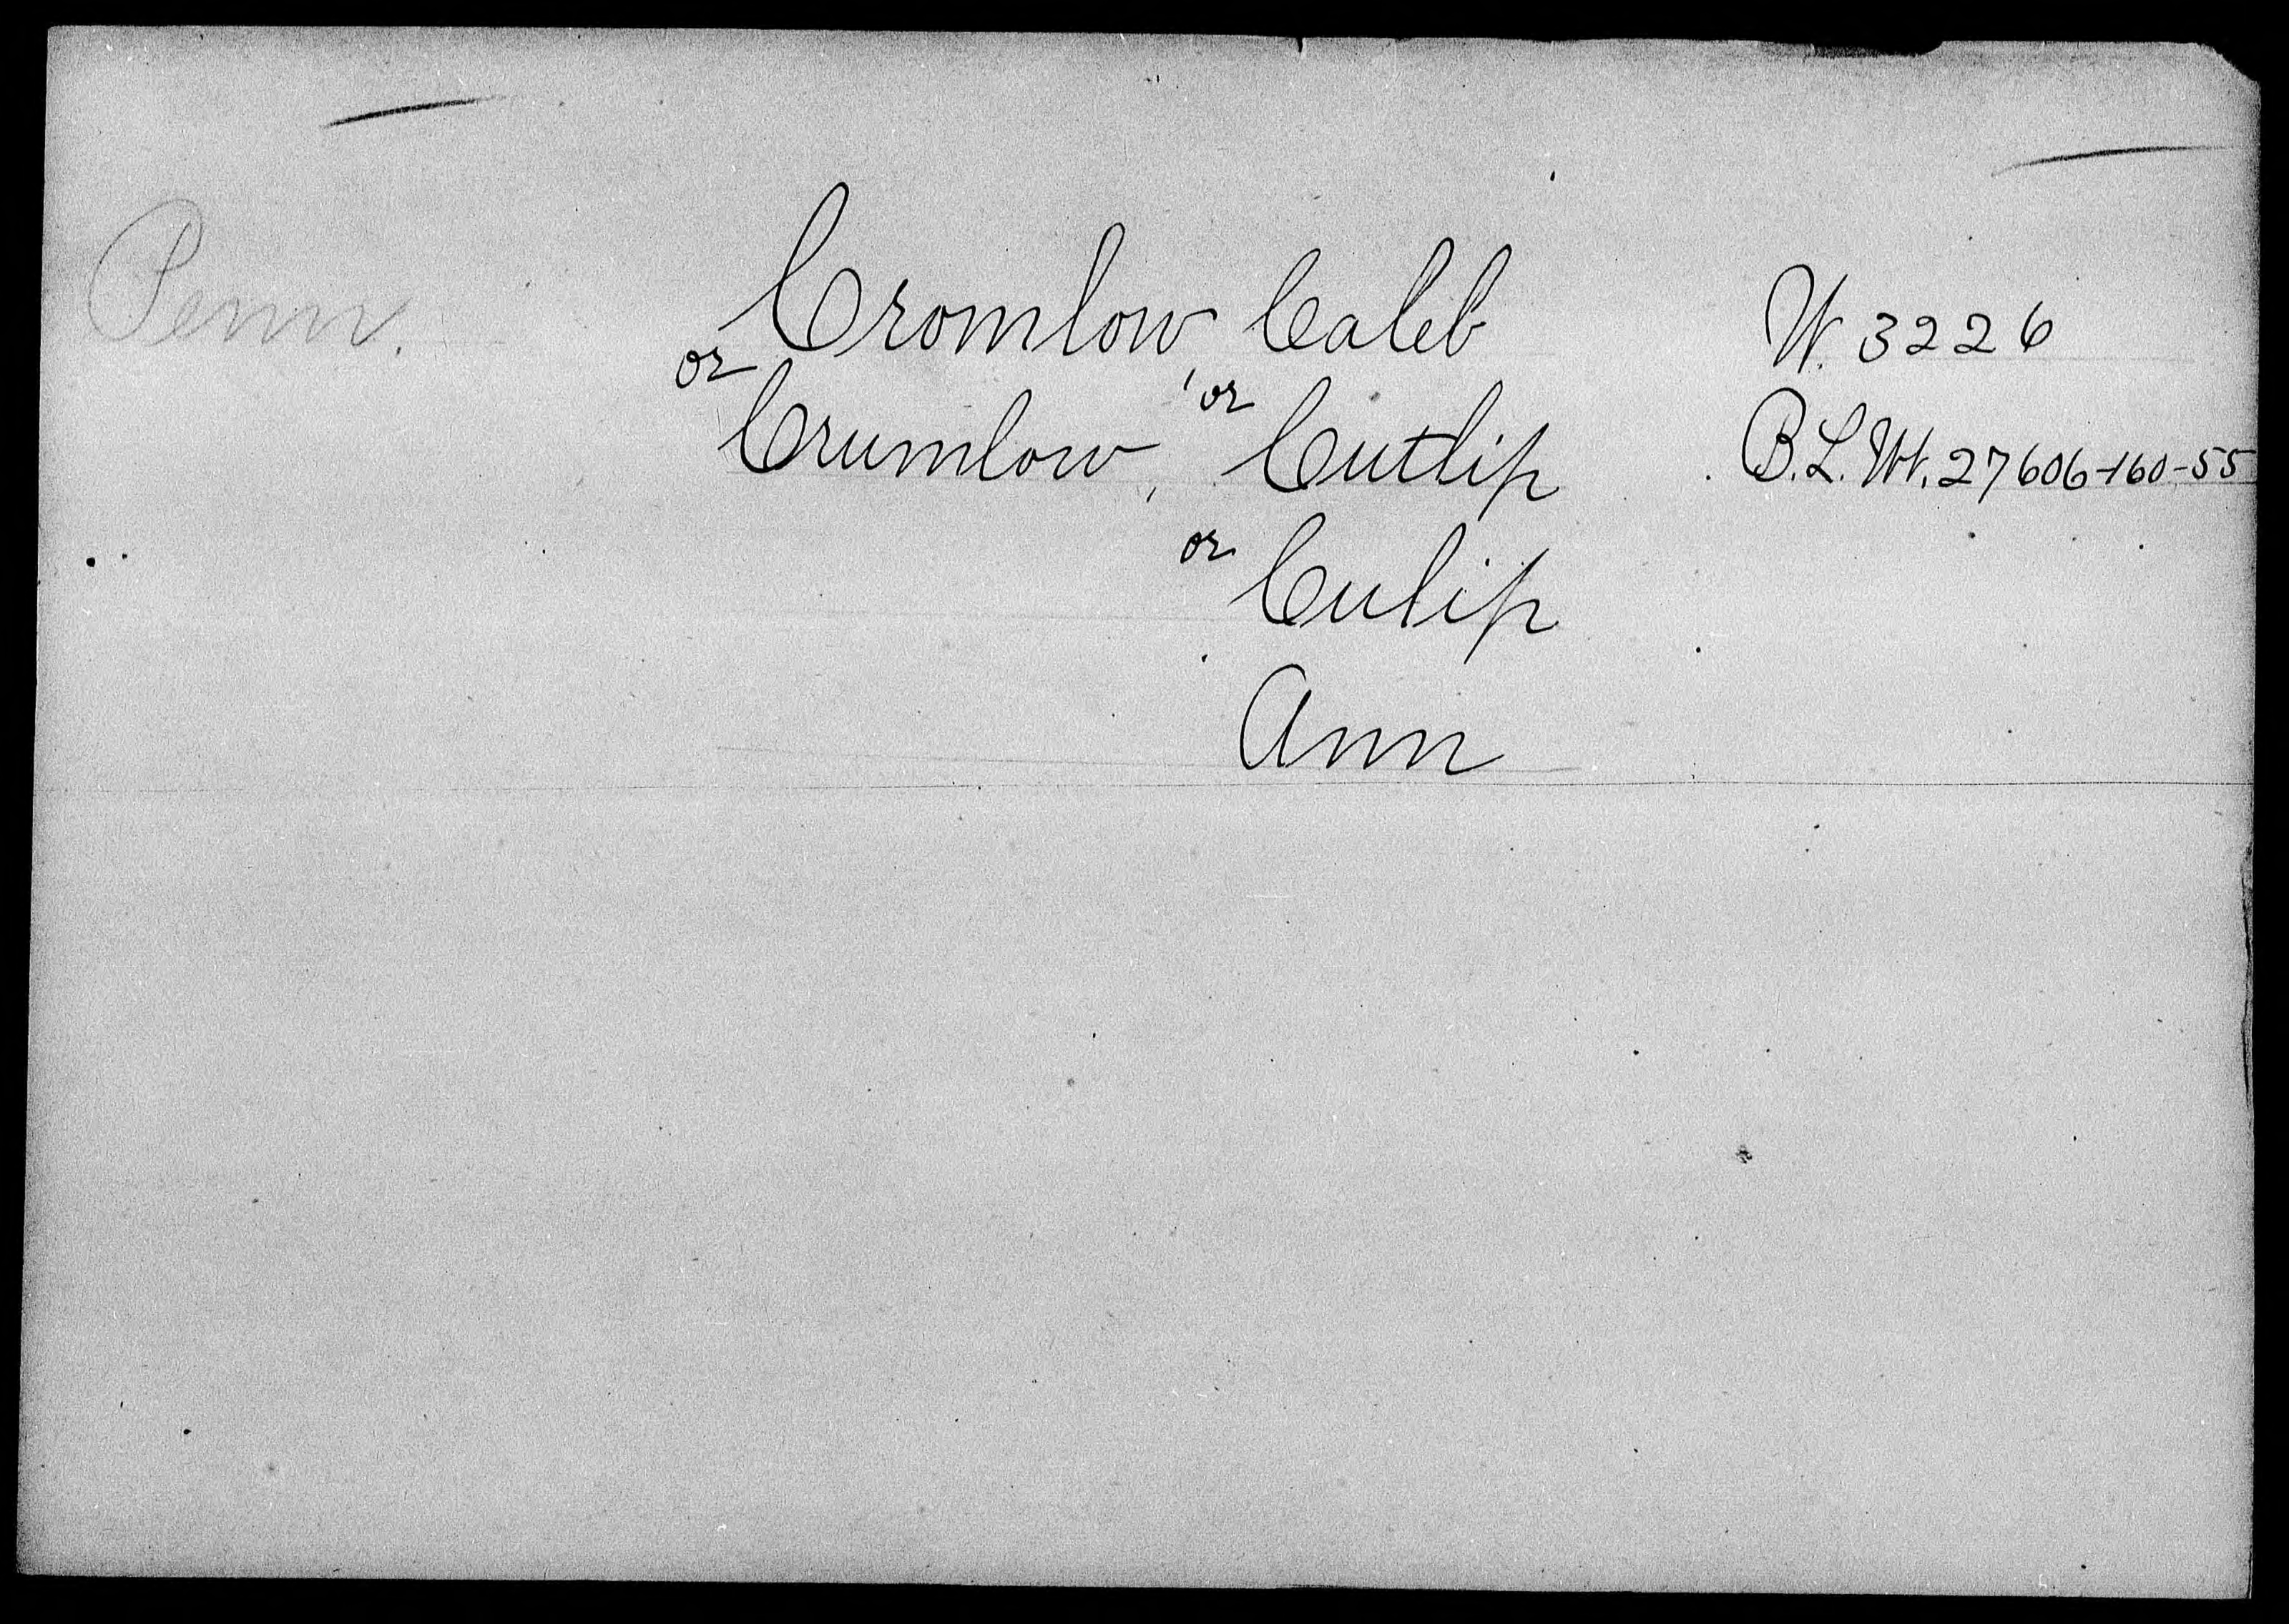Penn.

Cromlow, Caleb
or Crumlow, Cutlip
or Culip
Ann

W. 3226
B.L.[illegible] 27606-160-55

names: Cutlip Cromlow, Culip Cromlow, Caleb Crumlow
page: 1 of 1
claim: widow's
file: W. 3226, Caleb Cromlow, Penn.